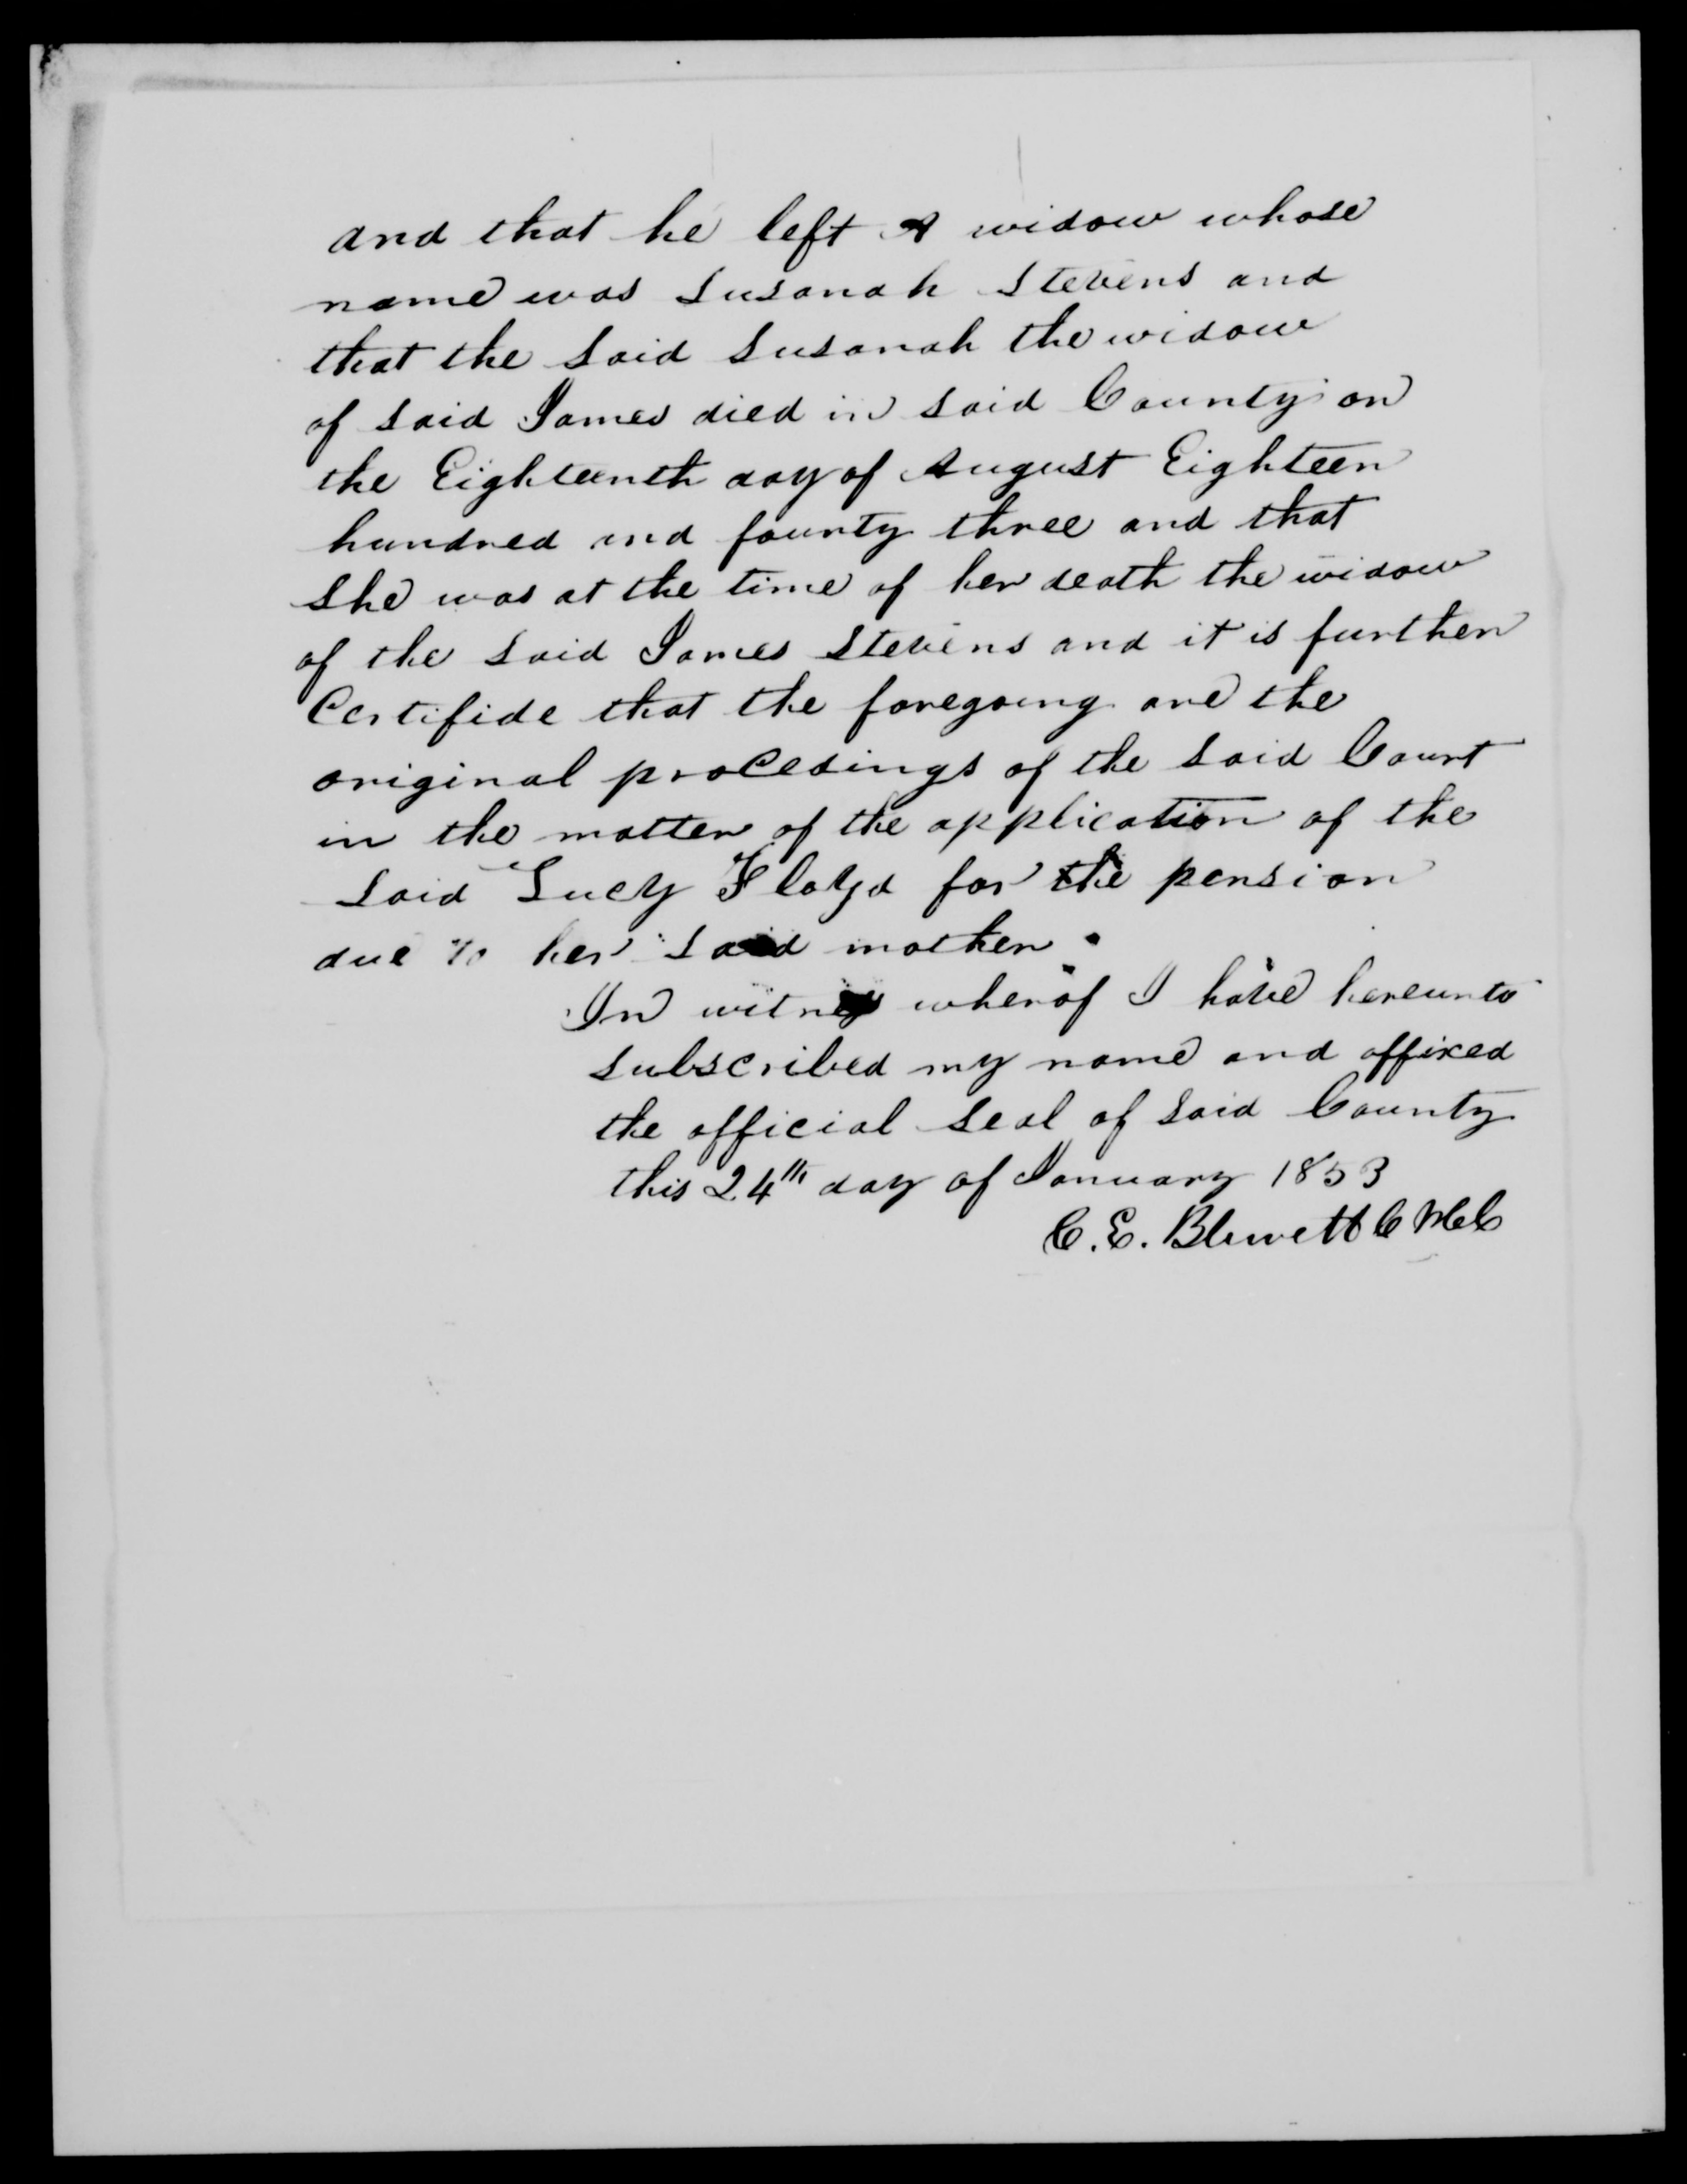and that he left a widow whose
name was Susanah Stevens and
that the said Susanah the widow
of said James died in said County on
the Eighteenth day of August Eighteen
hundred and fourty three and that
she was at the time of her death the widow
of the said James Stevens and it is further
Certifide that the foregoing and the
original proceedings of the said Court
in the matter of the application of the
said Lucy Floyd for the pension
due to her said mother.
In witness whereof I have hereunto
subscribed my name and affixed
the official seal of said County
this 24th day of January 1853
C. E. Blewett C Mels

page: 94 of 99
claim: widow's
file: W 8766, for James Stevens, Virginia